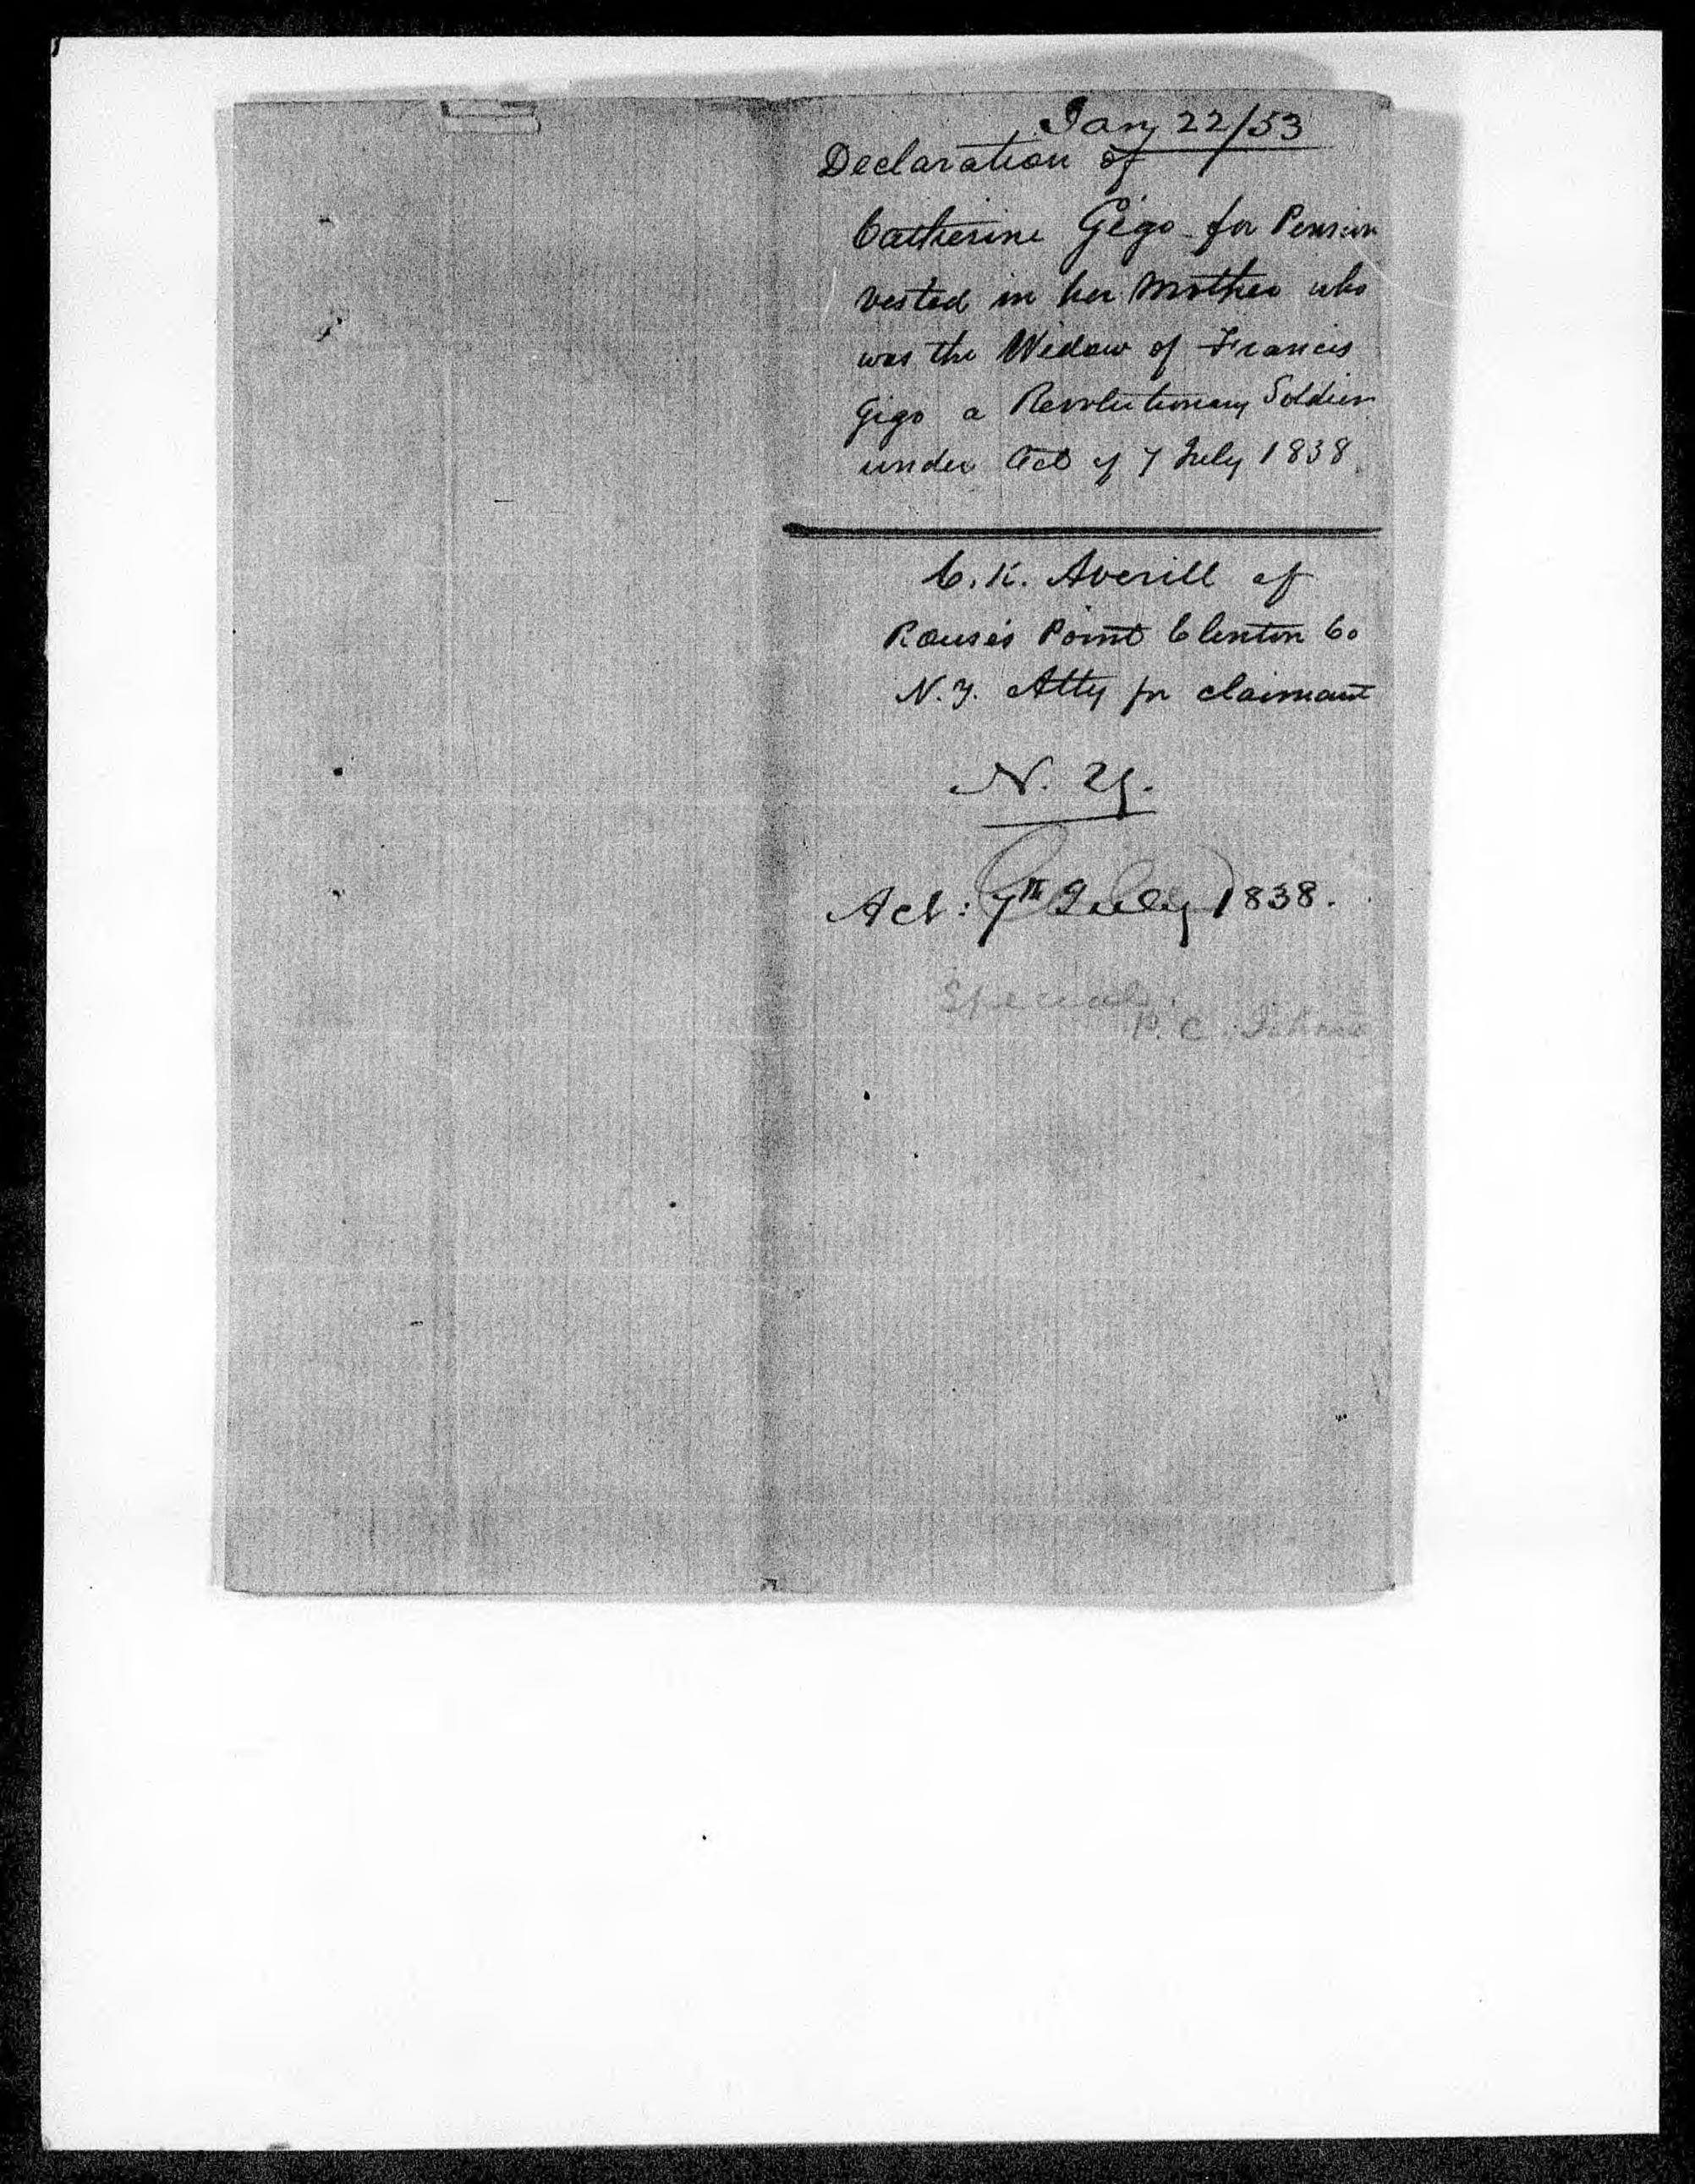Declaration of Jany 22/53

Catherine Gigo for Pension vested in her mother who was the widow of Francis Gigo a Revolutionary Soldier under Act of 7 July 1838.
______________
C. H. Averill of Rouse's Point  Clinton Co
N.Y Atty for claimant
N.Y.
Act 7th July 1838

Special P. C. ?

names: C K Averill, P C Johnston, Catherine Gigo, Francis Gigo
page: 11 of 98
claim: widow's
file: W. 21182, Francis Gigo, Continental (Canadian)